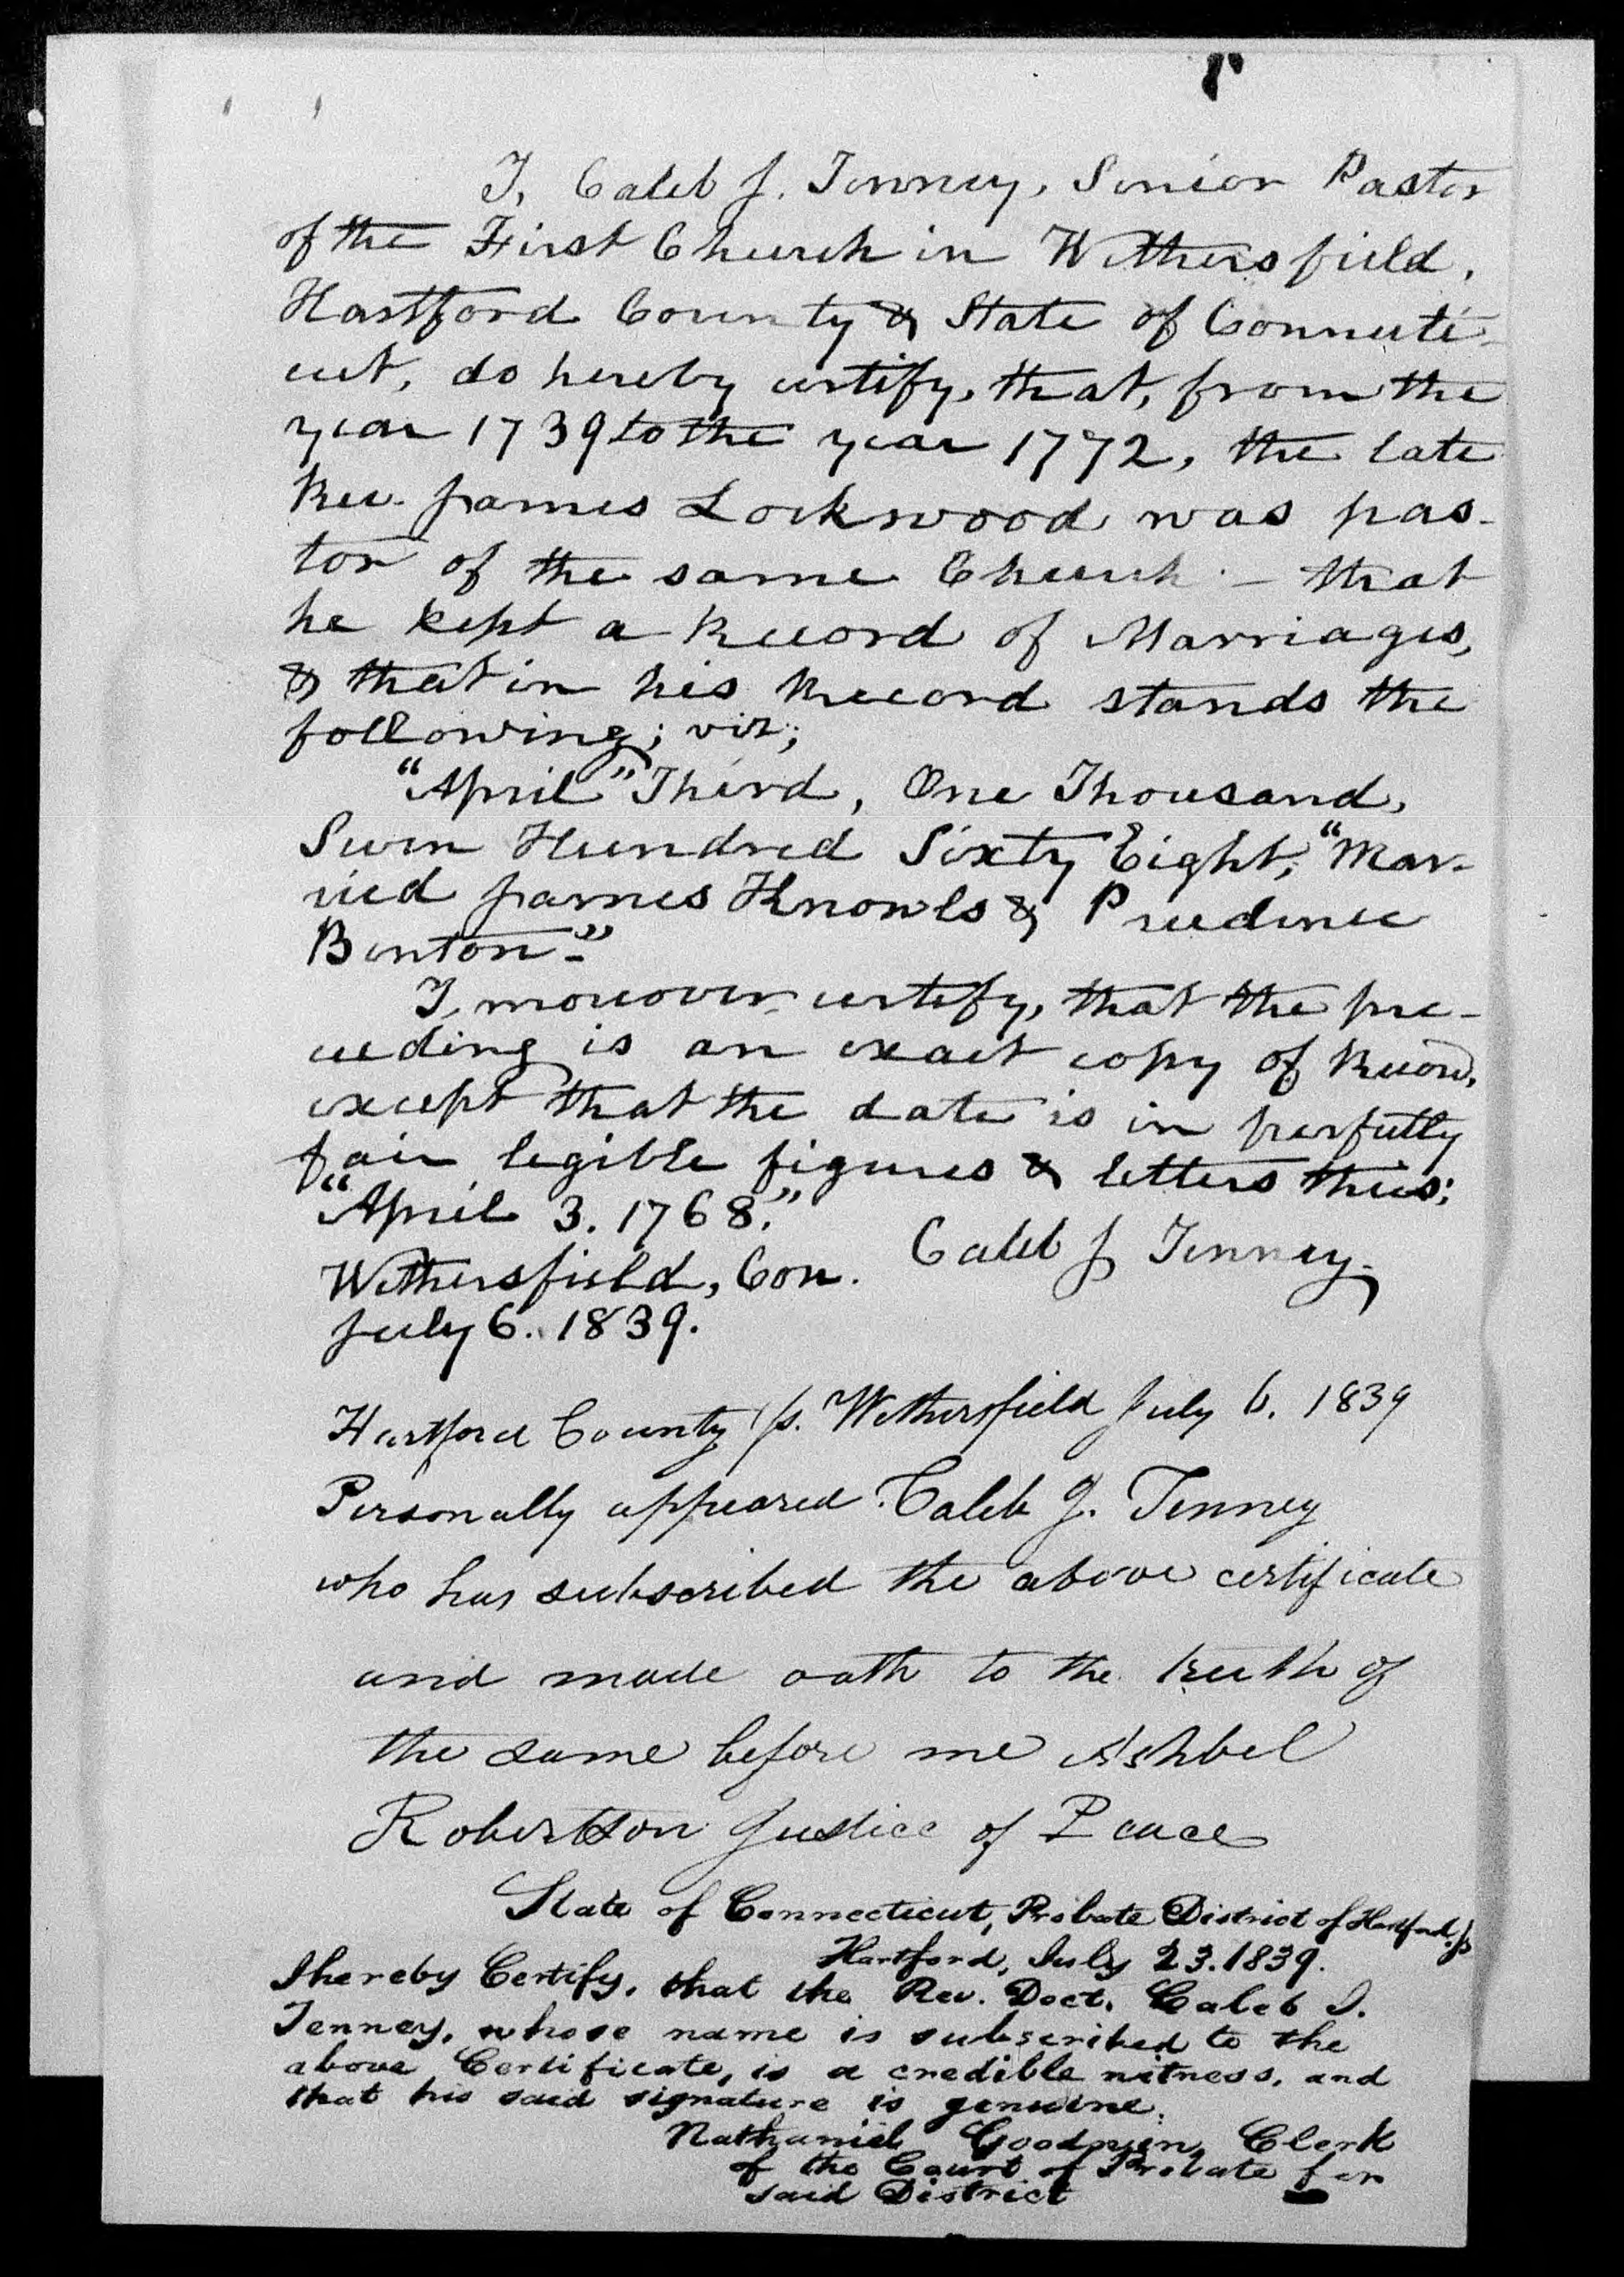I, Caleb J. Tenney, Senior Pastor for the First Church in Withersfield, Hartford County & State of Connecticut, do hereby certify, that, from the year 1739 to the year 1772, the late Rev. James Lockwood was pastor of the same Church--that he kept a Record of Marriages & that in his Record stands the following; vis;
"April" Third, One Thousand, Seven Hundred Sixty Eight,  "Married James Knowles & Prudence Benton--"
I, moreover, certify, that the preceeding is an exact copy of Know, except that the date is in perfectly fair legible figures & letters thus; "April 3, 1768." Withersfield, Con.    Caleb J Tenney
July 6, 1839.

Hartford County Ss. Wethersfield July b. 1839 Personally appeared Caleb J. Tenney who has subscribed the above certificate and made oath to the truth of the clame before me Ashbel Robertson Justice of the Peace

State of Connecticut, Probate District of Hartford. Ss.
Hartford, July 23, 1839.
I hereby Certify, that the Rev. Doct. Caleb J. Tenney whose name is subscribed to the above Certificate, is a credible witness, and that his said signature is genuine.  
Nathaniel Goodman, Clerk of the Court of Probate for said District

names: James Knowls; Ashbel Robertson; Prudence Benton; Nathaniel Goodman; Caleb J Tenney; James Lockwood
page: 12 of 60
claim: widow's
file: W. 14,036, for James Knowles, Connecticut